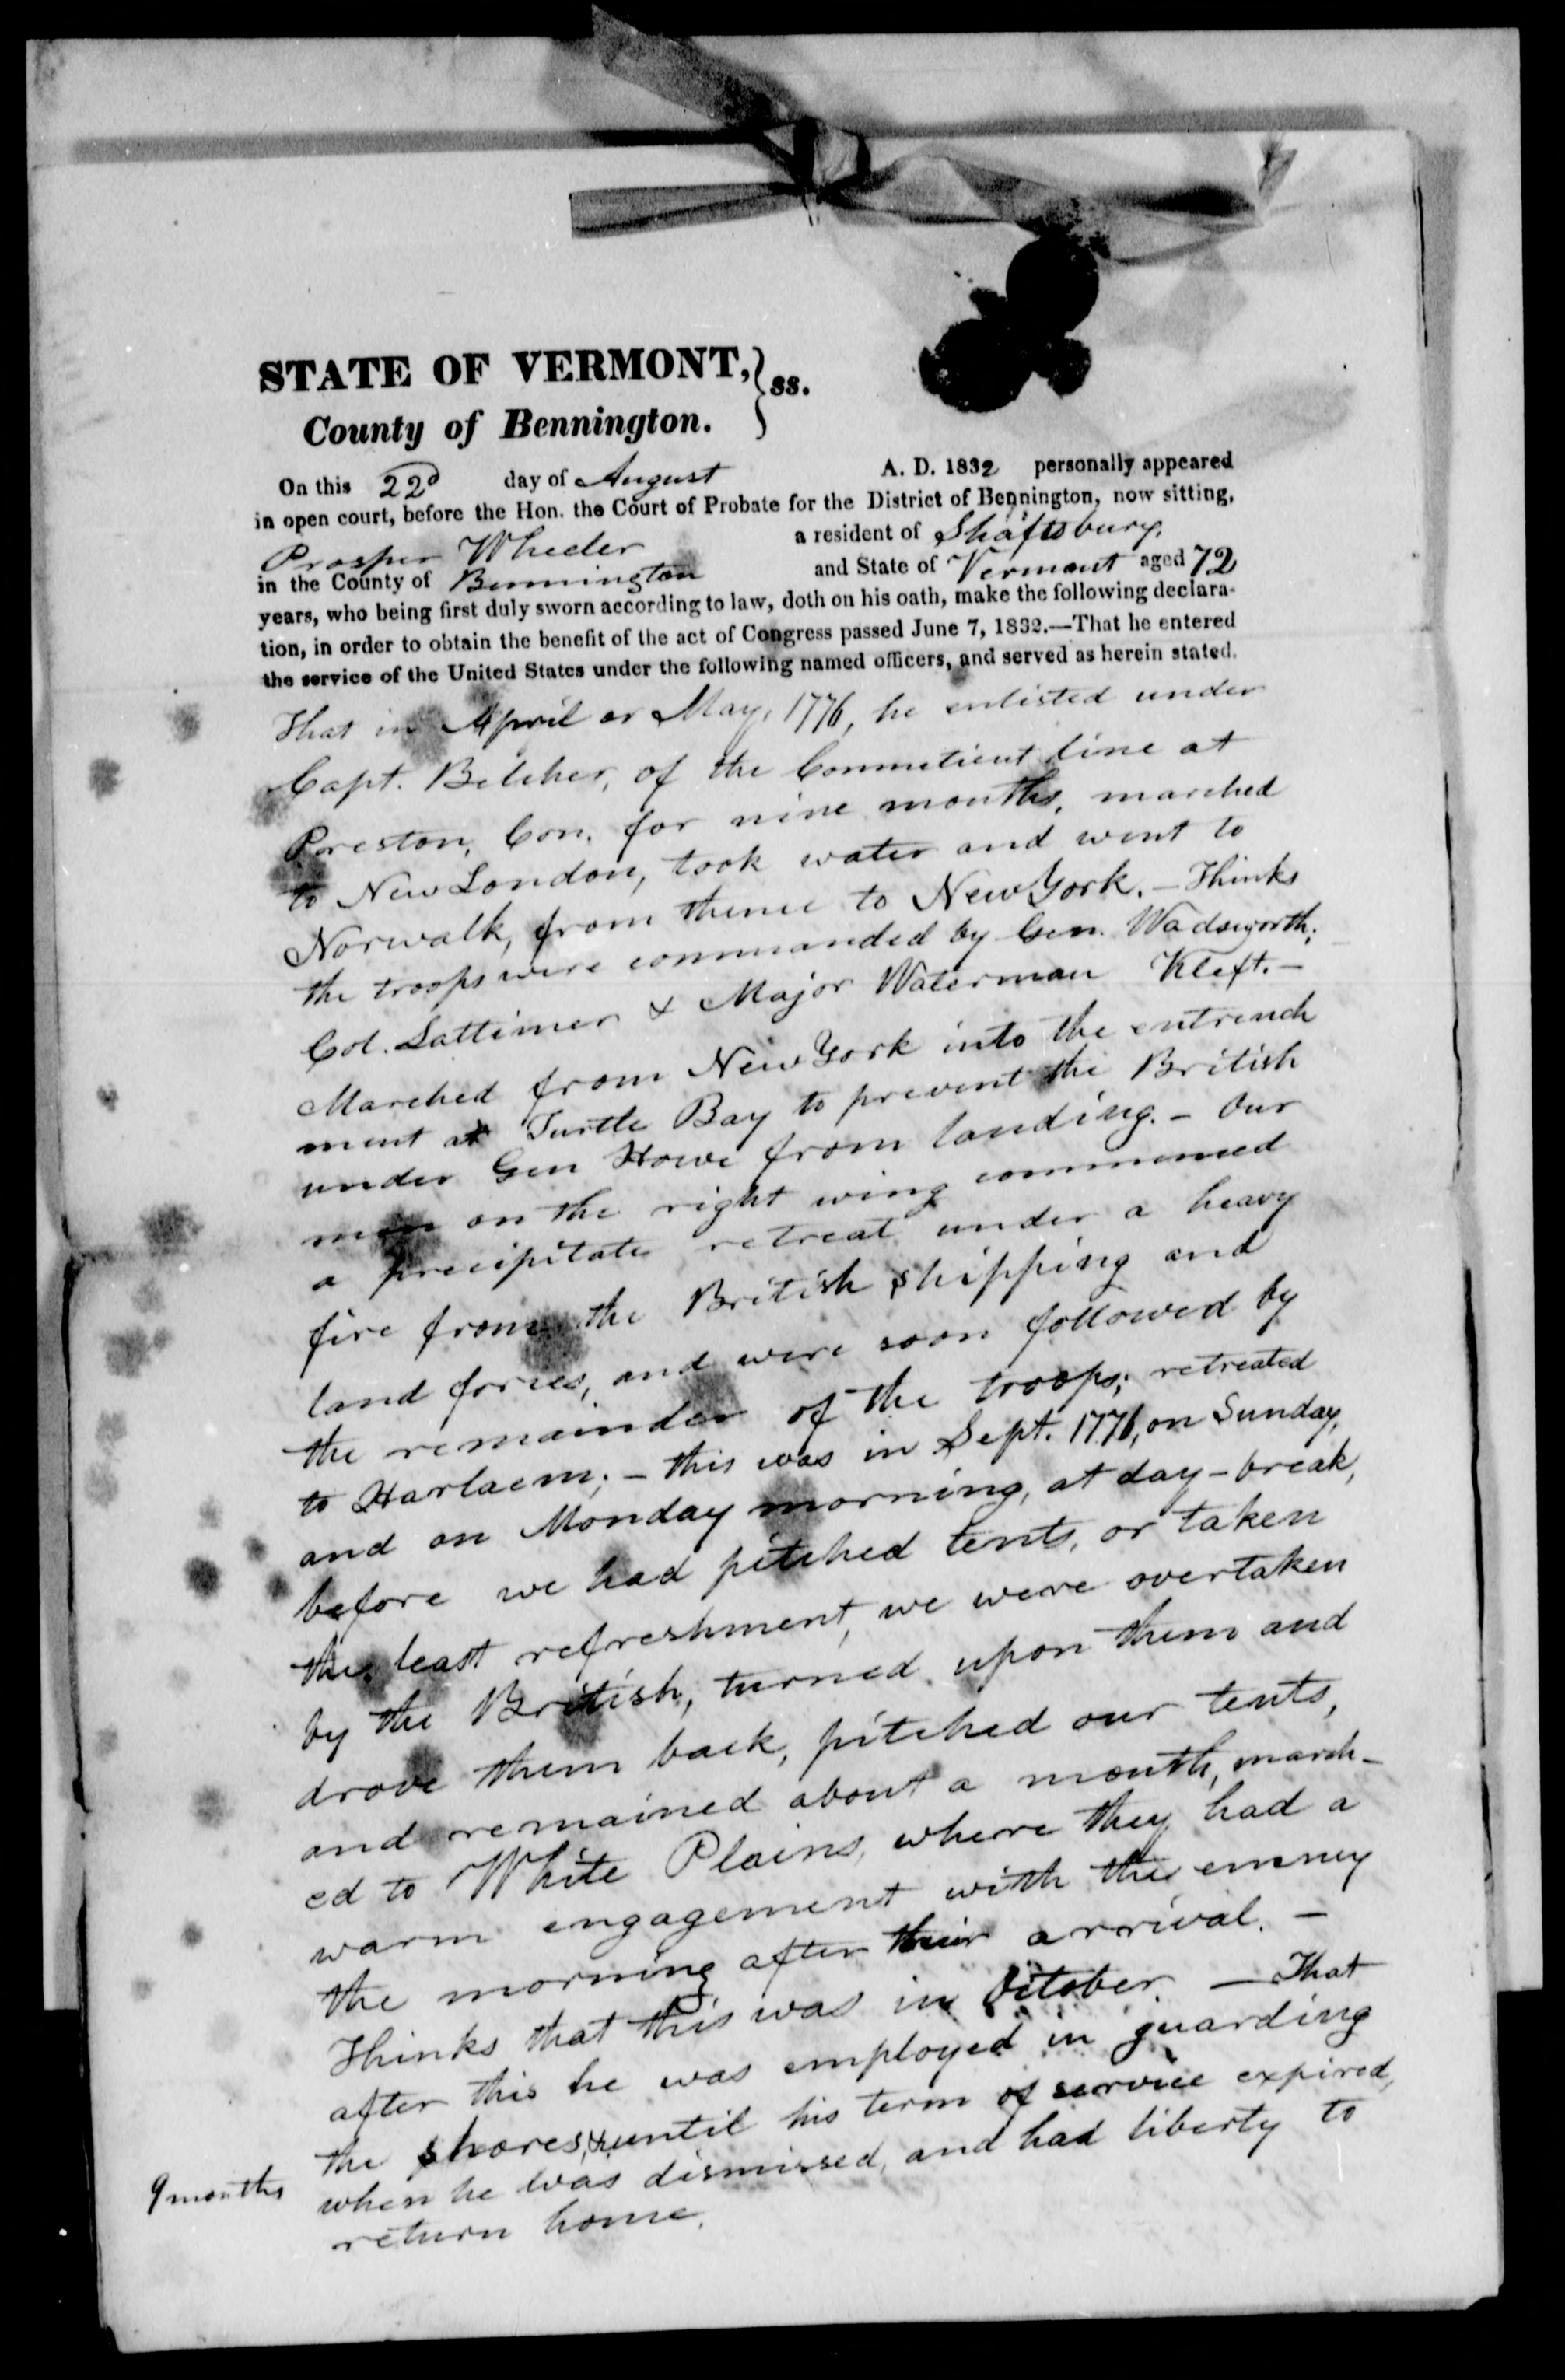STATE OF VERMONT,
County of Bennington. ⎬ SS.
On this 22d day of August A.D. 1832 personally appeared in open court, before the Hon. the Court of Probate for the District of Bennington, now sitting Prosper Wheeler a resident of Shaftsbury in the County of Bennington and State of Vermont, aged 72 years, who being first duly sworn according to law, doth on his oath, make the following declaration, in order to obtain the benefit of the act of Congress passed June 7, 1832.─ That he entered the service of the United States under the following named officers, and served as herein stated.
That in April or May, 1776, he enlisted under Capt. Belcher of the Connecticut line at Preston, Con. for nine months, marched to New London, took water and went to Norwalk, from thence to New York. Thinks the troops were commanded by Gen. Wadsworth, Col. Lattimer & Major Waterman Klext.─
Marched from New York into the entrenchment at Turtle Bay to prevent the British under Gen How from landing.─ Our men on the right wing commanded precipitate retreat under a heavy fire from the British shipping and land forces, and were soon followed by the remainder of the troops; retreated to Harlaem;─ this was in Sept. 1776, on Sunday and on Monday morning, at day-break, before we had pitched tents, or taken the least refreshment we were overtaken by the British, turned upon them and drove them back, pitched our tents, and remained about a month, marched to White Plains, where they had a warm engagement with the enemy the morning after their arrival. ─
Thinks that this was in October. ─ That after this he was employed in guarding the shores, until his term of service expired, when he was dismissed, and had liberty to return home

[note at bottom of left margin]
9 months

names: Belcher, Prosper Wheeler, Wadsworth, Lattimer, Howe, Waterman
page: 5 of 29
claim: widow's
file: W. 22604, Prosper Wheeler, Conn.